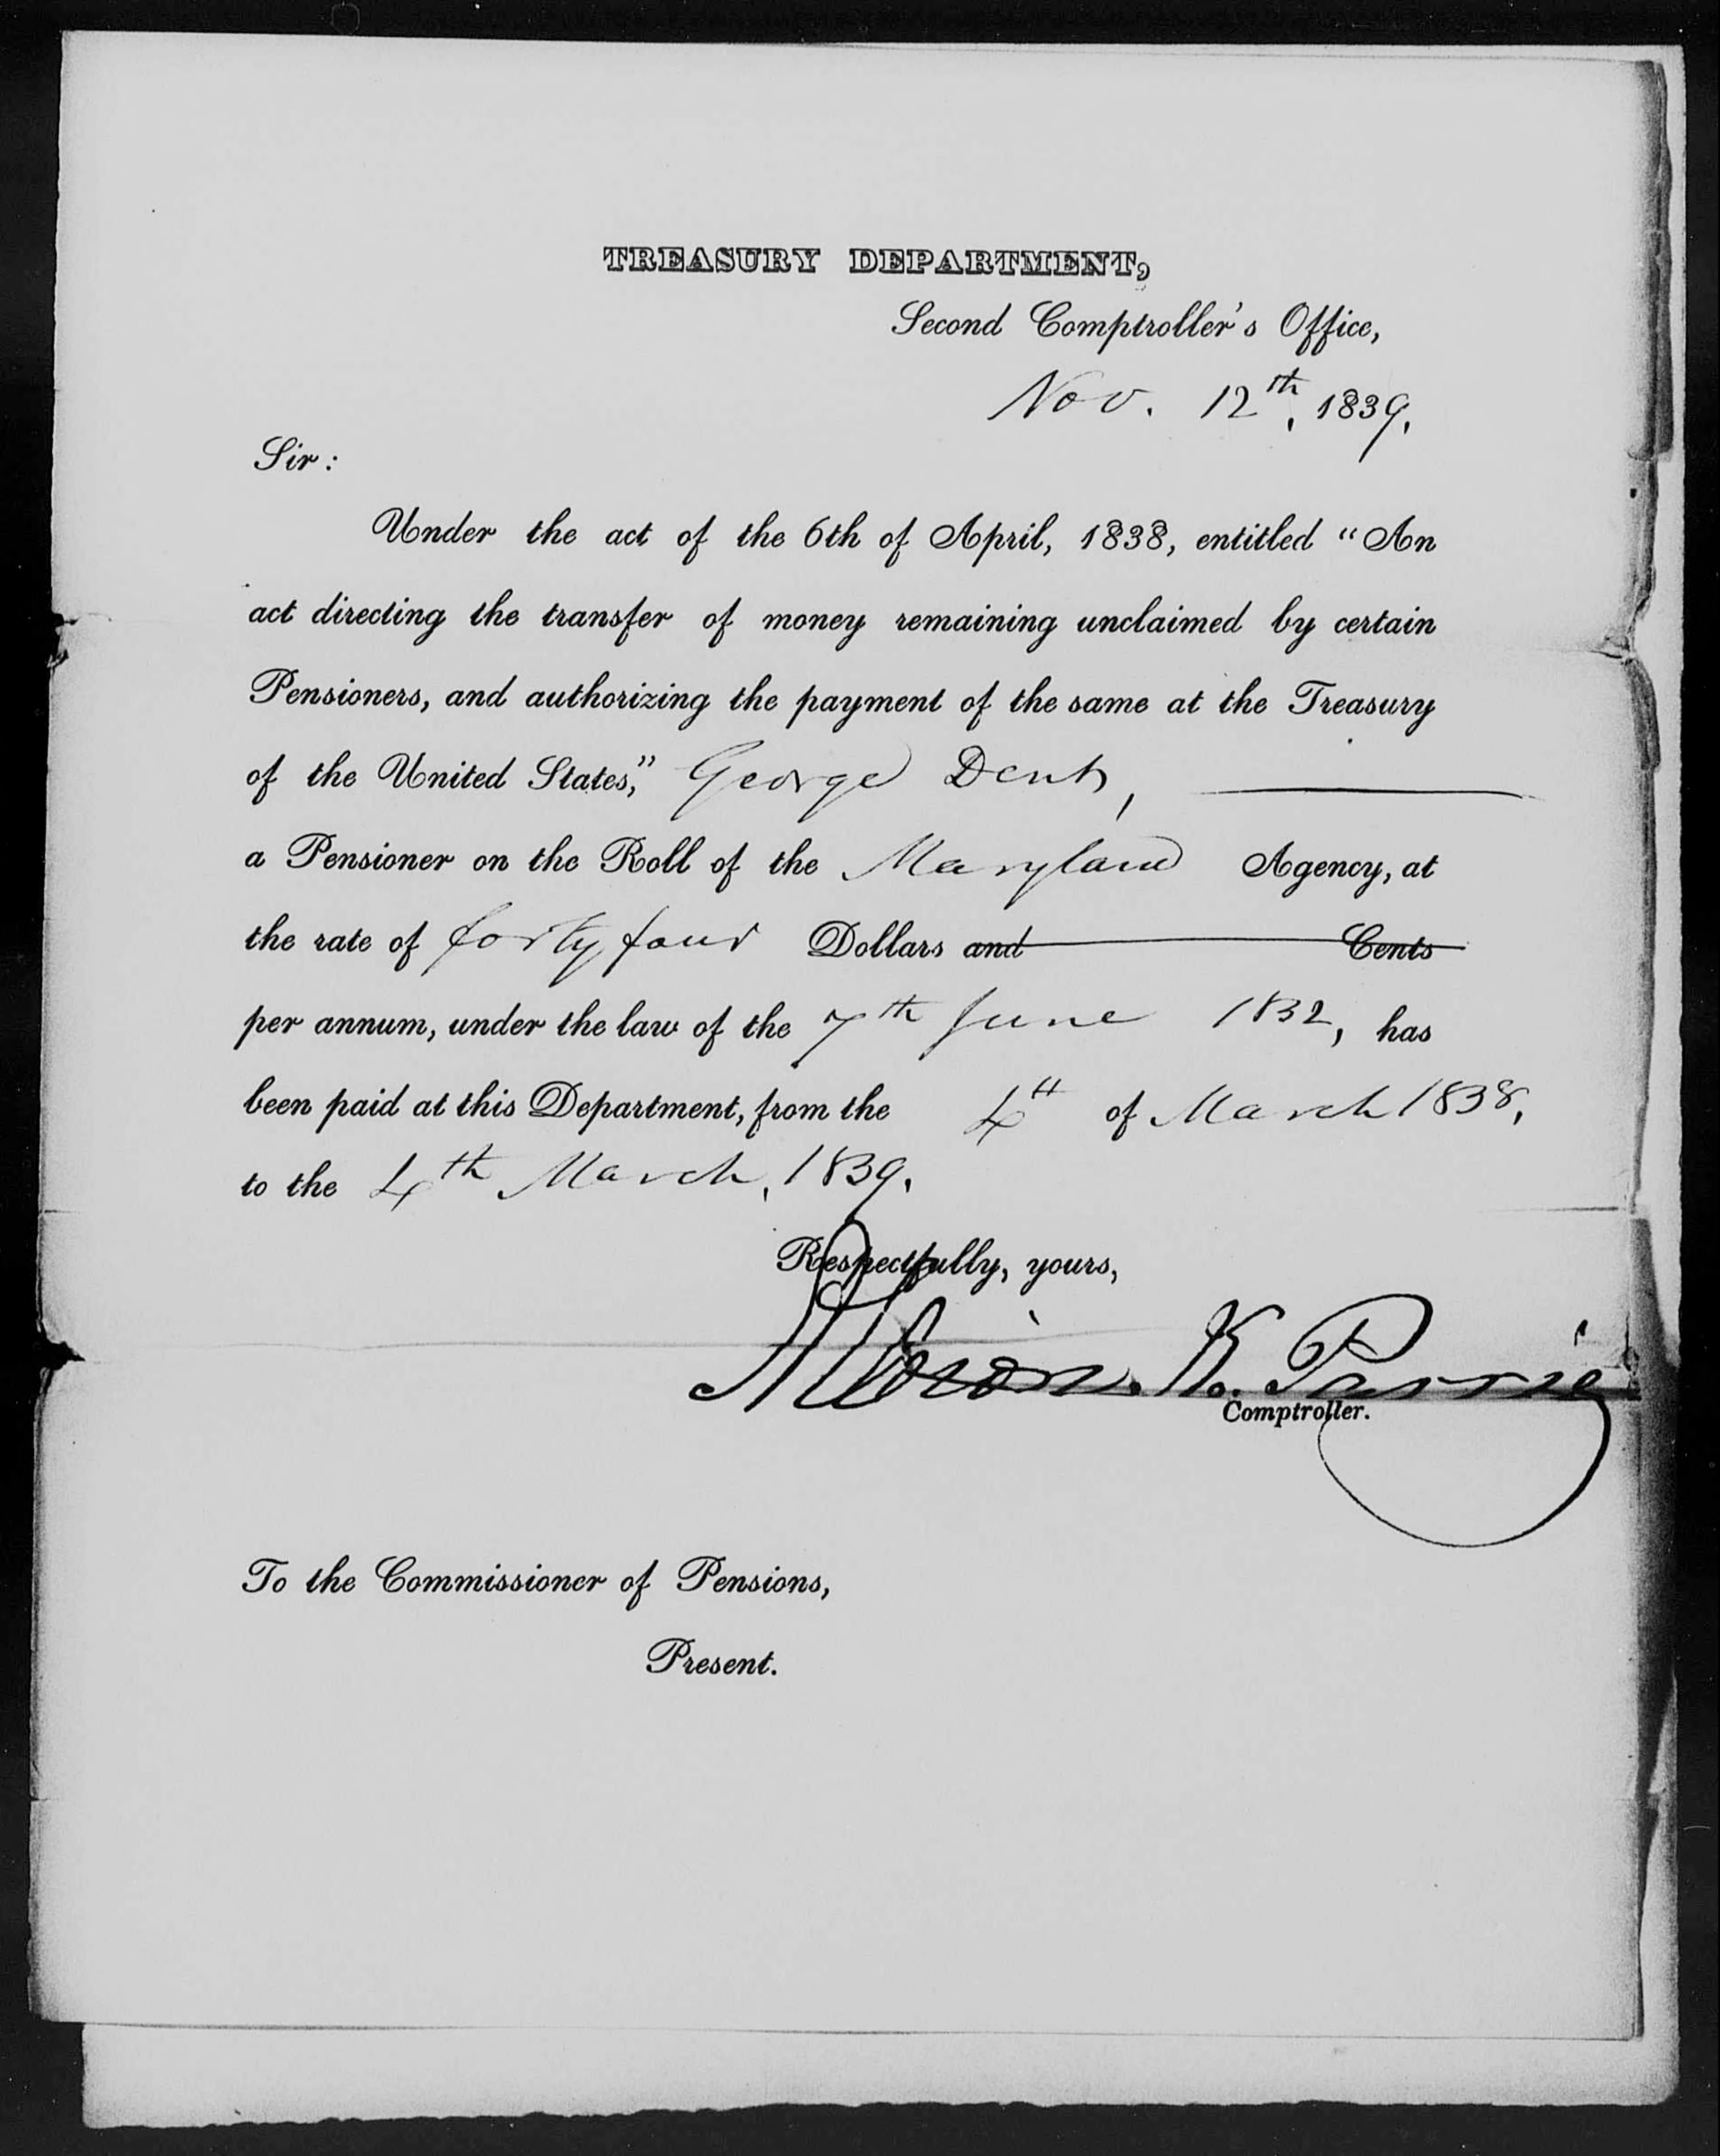Treasury Department
Second Comptroller's Office
Nov 12th, 1839

Sir:

Under the act of the 6th of April, 1838, entitled "An act directing the transfer of money remaining unclaimed by certain Pensioners, and authorizing the payment of the same at the Treasury of the United states," George Dent, a pensioner of the roll of the Maryland Agency, at the rate of forty-four dollars per annum under the law of the 7th June 1832 has been paid at this department from the 4th of March 1838 to the 4th Marh 1839.

Respectfully yours,

Albion K Parris
Comptroller.

To the Commissioner of Pensions, 
Present.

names: Albion K Parris, George Dent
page: 45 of 49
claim: survivor's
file: S. 12755, George Dent, Md.